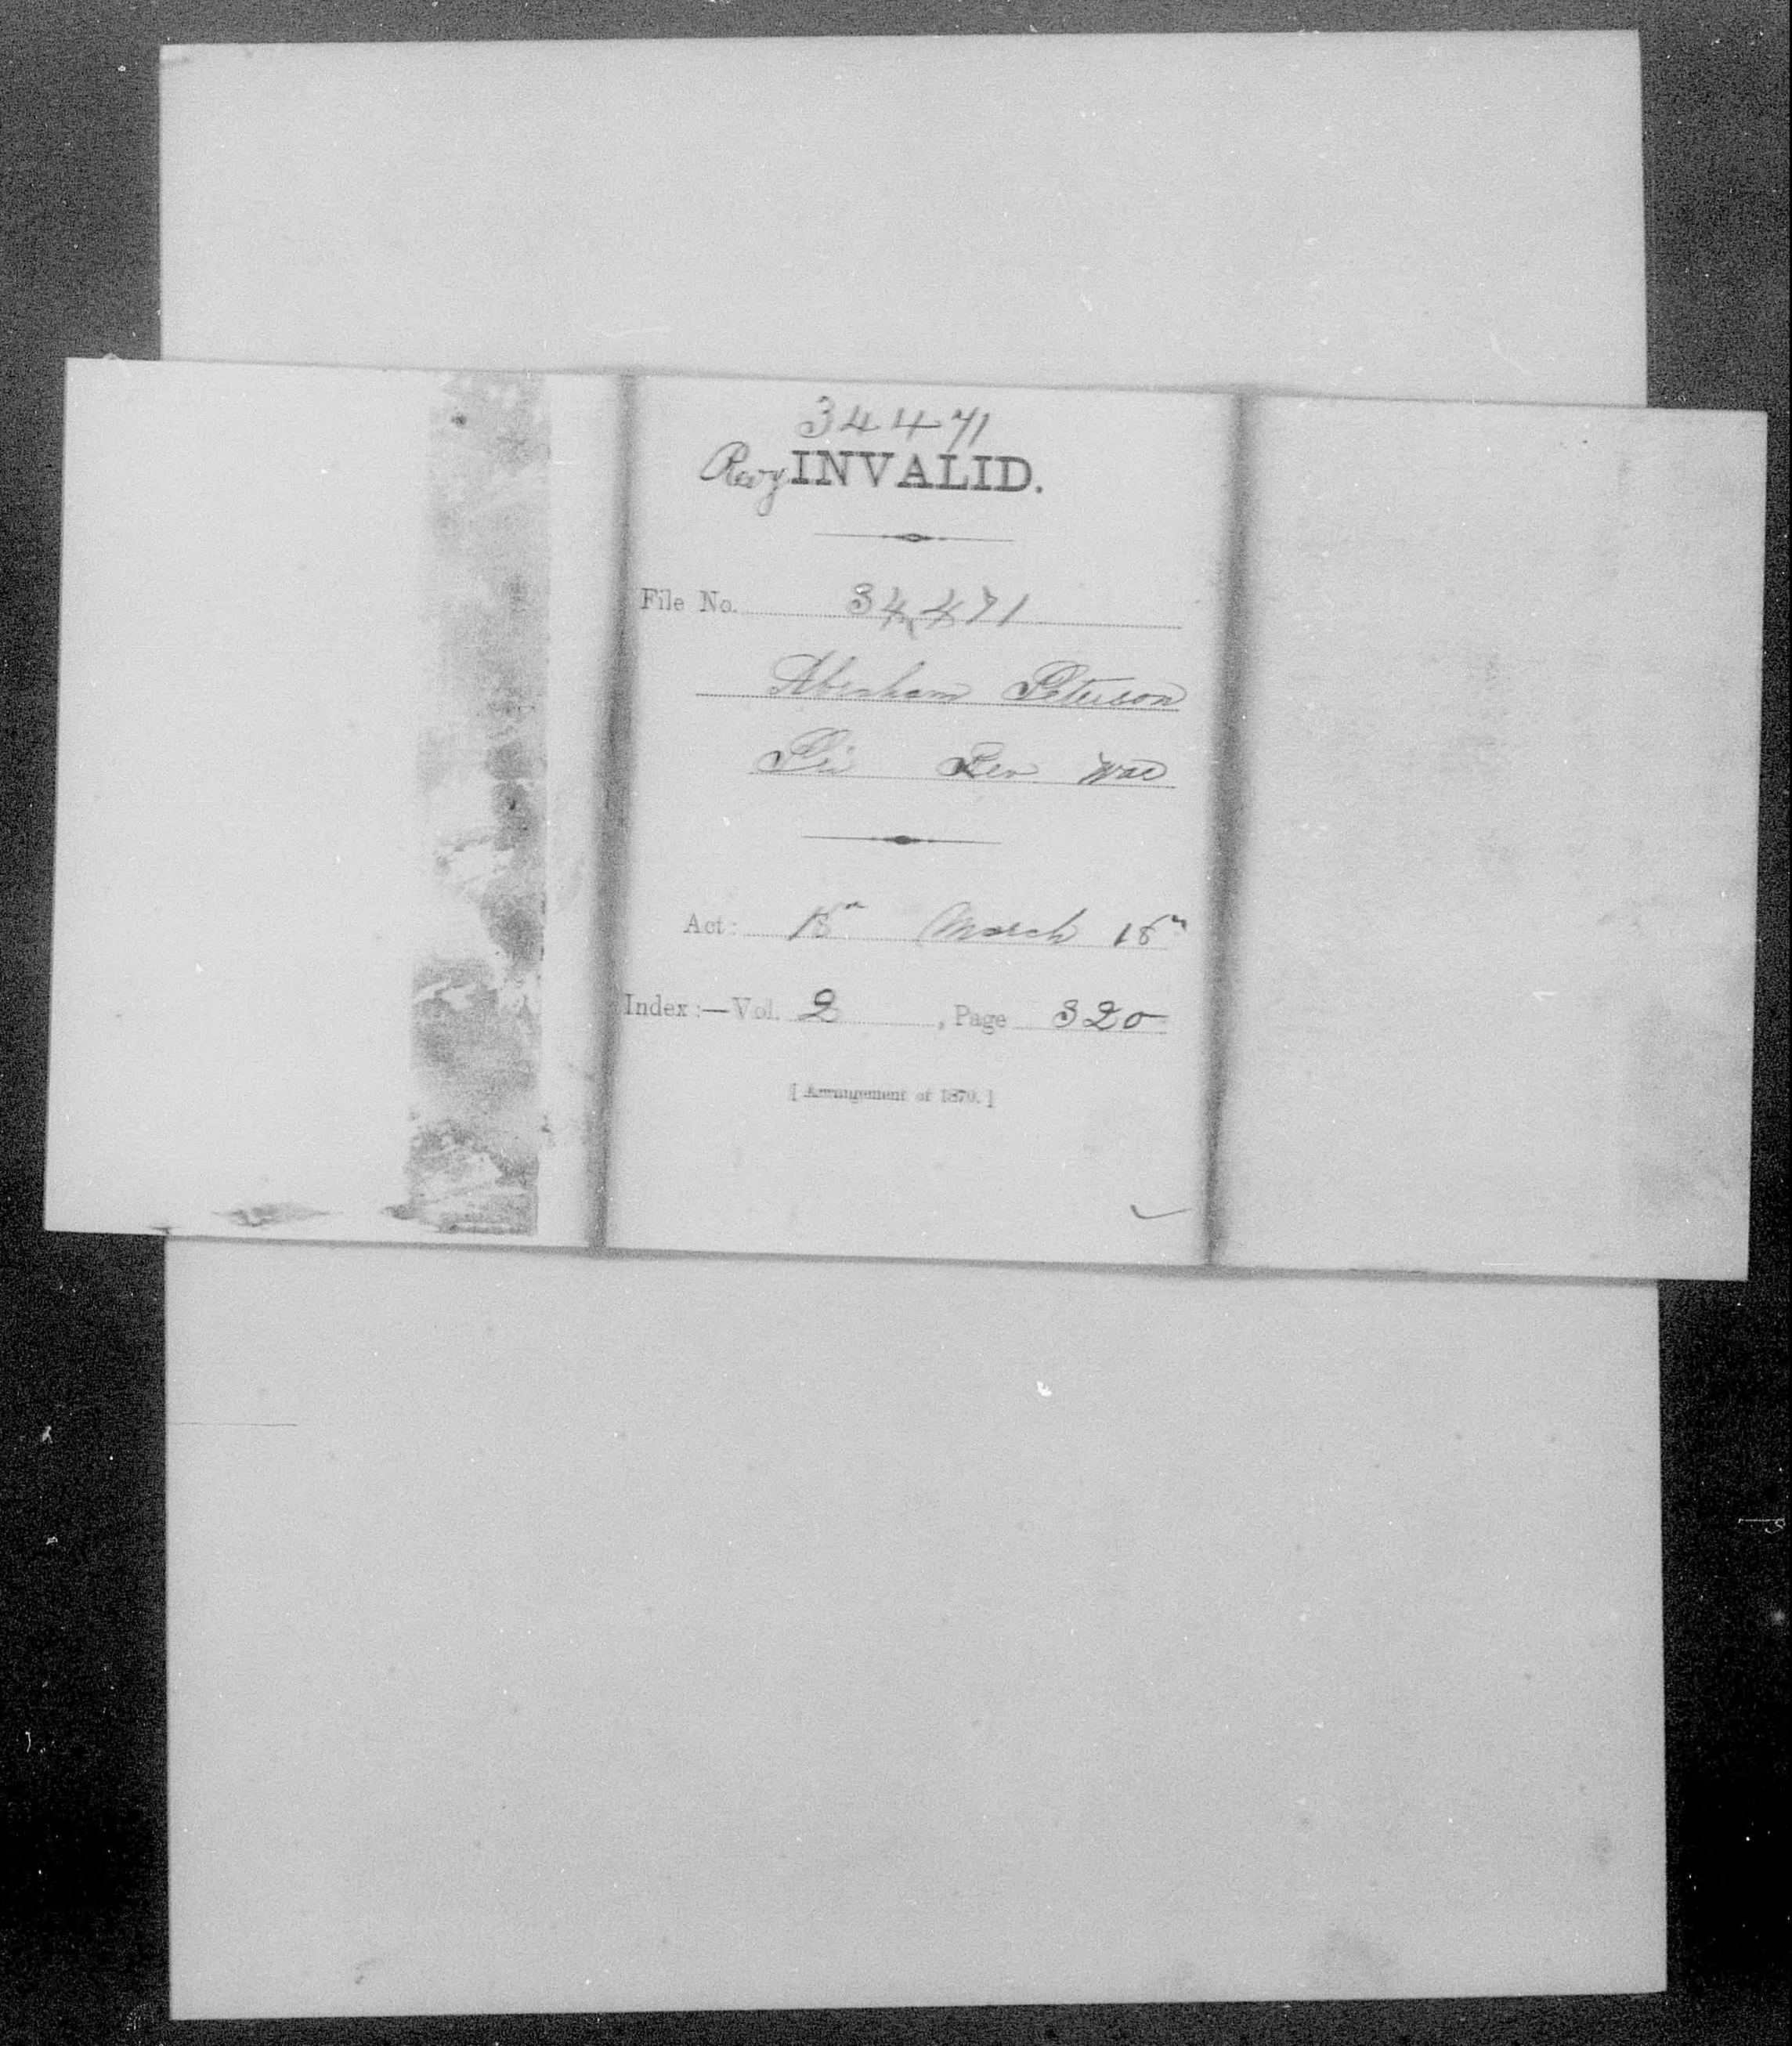34471
Revy INVALID.
_______________

File No. 34,471
Abraham Peterson
[?]
_____________
Act: 18 March 18th
Index:-- Vol 2, Page 320

{Arrangement of 1870.}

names: Abraham Peterson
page: 10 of 12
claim: survivor's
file: S. 34,471, for Abraham Peterson, New Jersey